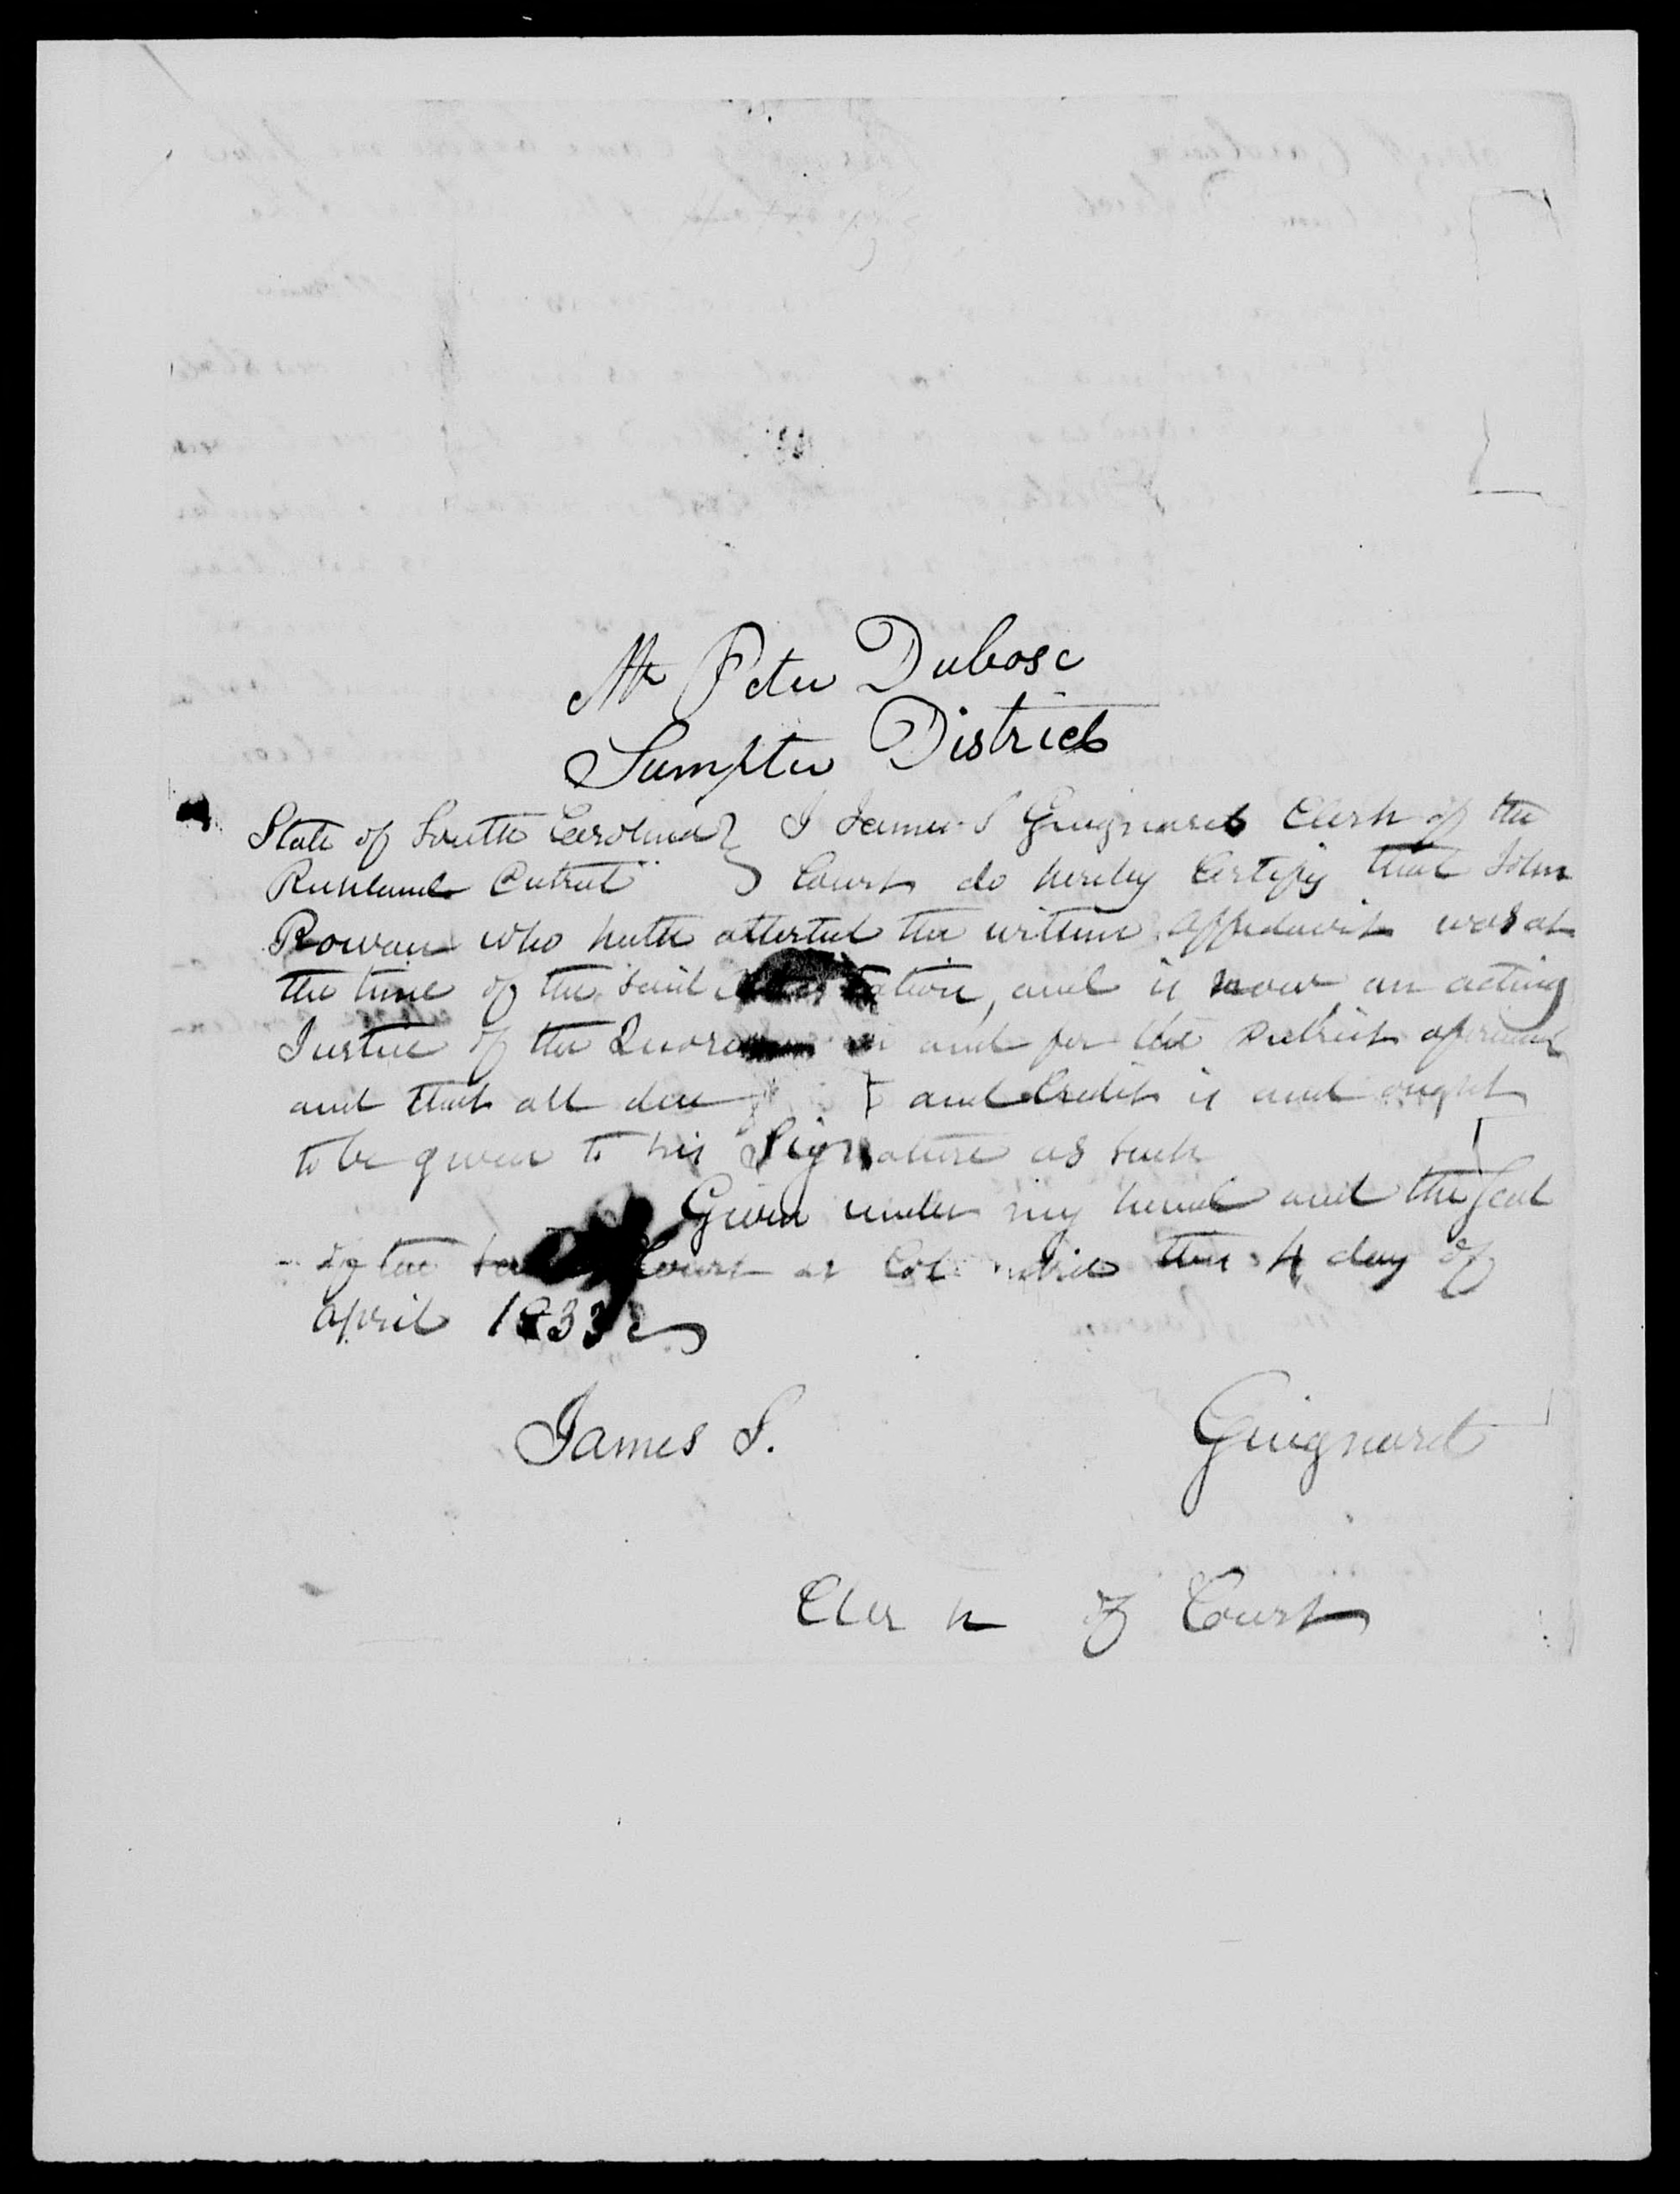Mr. Peter Dubose Sumter District  { State of South Carolina Richland District ] I, James S. Guignard clerk of the Court  do hereby certify that  John Rowan who hat attested the  within affidavit was at the time of the said  attestation and is now an acting Justice of the Quorum in   and for the District aforesaid  and that all  due  .. ( missing ) and credit  is and ought to be given to his signature as such. Given under my hand  and the seal of  of the said Court  at  Columbia this 4 day of April 1833. James S. Guignard ( signed / sealed ) Clerk of Court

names: John Rowan, James S Guignard, James S Guignard, Peter Dubose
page: 21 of 43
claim: survivor's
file: S. 21163, Peter Dubose, S.C.